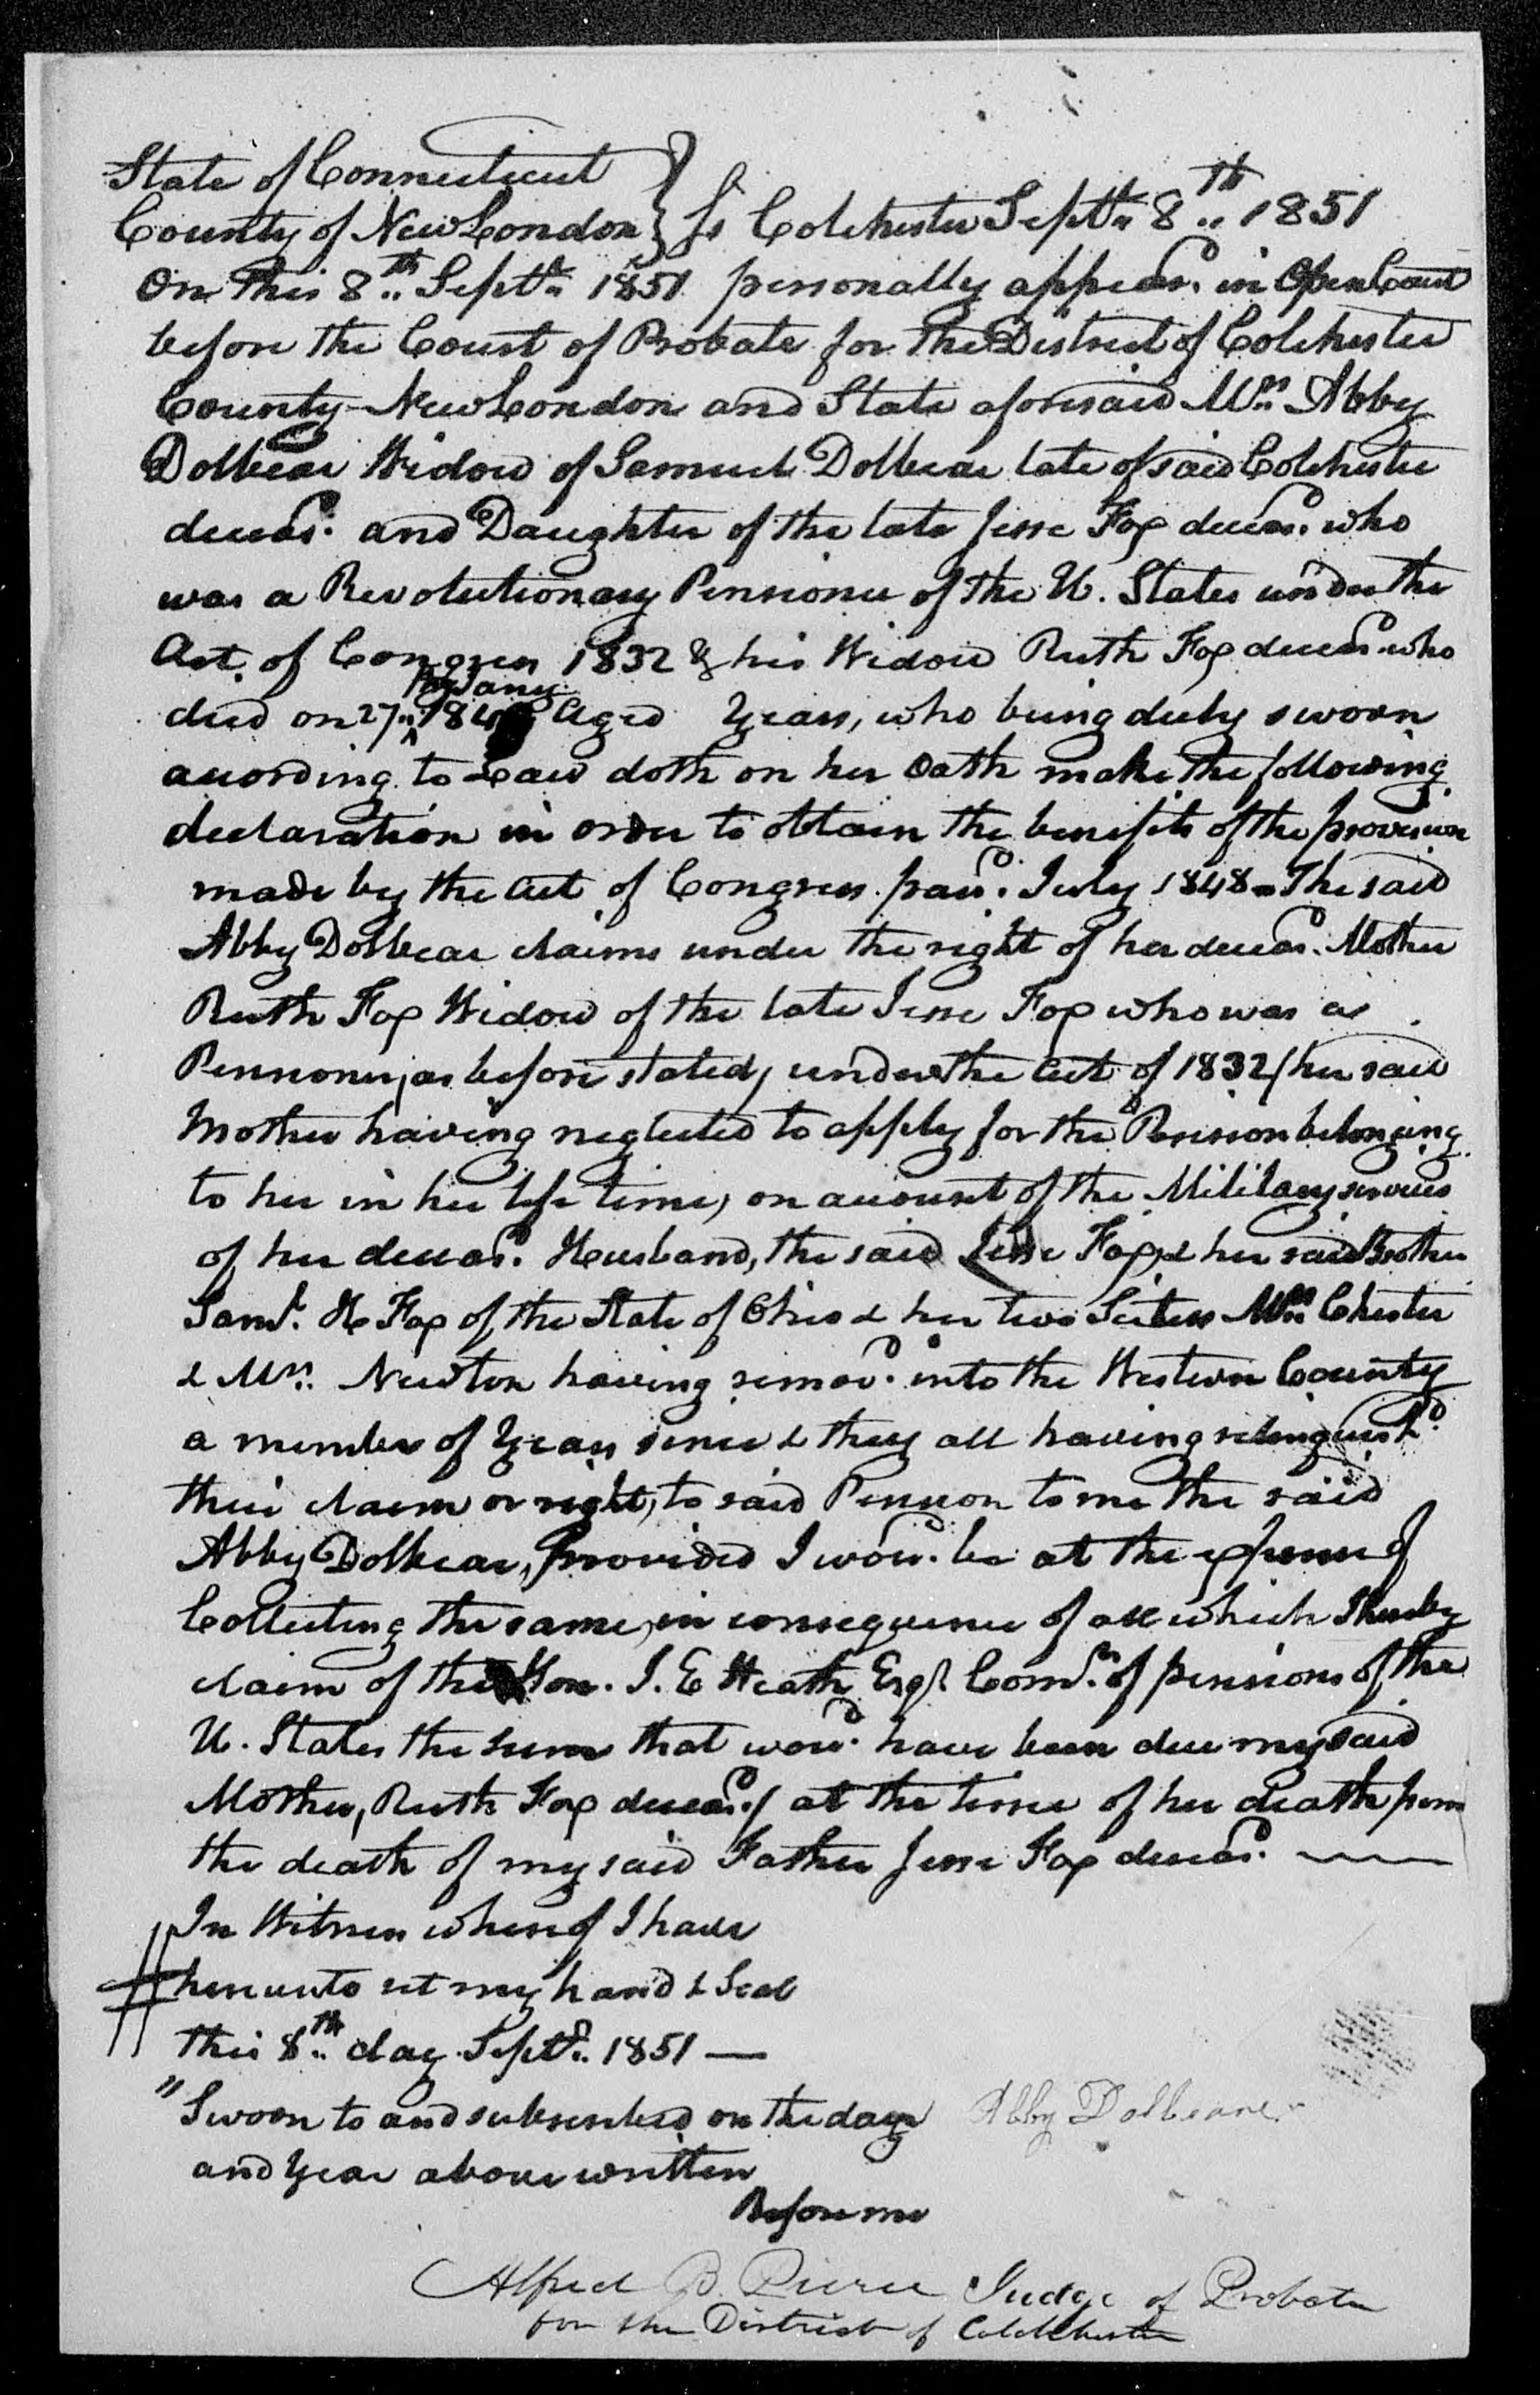State of Connecticut
County of New London} ss. Colchester Sept 8th 1851

On this 8th day of Sept 1851, personally appeared in open Court before the Court of Probate for the District of Colchester County New London and State aforesaid, Mrs Abby Dolbear widow of Samuel Dolbear late of said Colchester deceasd and Daughter of the late Jesse Fox deceasd who was  Revolutionary pensioner of the U. States under the act of Congress 1832 & his widow Ruth Fox deceasd who died on the 27th of Jany 184? aged   years, who being duly sworn according to law doth on her oath made the following declaration in order to obtain the benefits of the provision made the act of Congress passd July 1848. The said Abby Delbear claims under the right of her deceasd Mother Ruth Fox widow of the late Jesse Fox who was a pension (as before stated) under the act of 1832 (her said Mother having neglected to apply for the pension belonging to her in her life time), the said Jesse Fox & her said Brother Saml H Fox of the State of Ohio & her two Sisters Mrs Chester & Mrs Newton having removd into the western country a number of years since & they all having relinquished their claim or right to said pension to me the said Abby Dolbear, provided I would be at the expense of collecting the same, in consequence of all which I hereby claim of the Hon. J E Heath Esq Commr of Pensions of the U. States the sum that would have been due my said Mother, Ruth Fox deceasd at the time her death from the death of said Father Jesse Fox deceasd.

Abby Delbear

In witness whereof I have hereunto set my hand & seal this 8th day of Sept. 1851-
Sworn to and subscribed on the say and year above written. Before me

Alfred B Pierce Judge of Probate for the District of Colchester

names: Jesse Fox, Jesse Fox, Abby Dolbeare, Samuel Dolbear, Newton, J E Heath, Saml H Fox, Ruth Fox, Ruth Fox, Jesse Fox, Abby Dolbear, Abby Dolbear, Chester, Abby Dolbear, Alfred B Pierce, Jesse Fox, Ruth Fox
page: 10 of 53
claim: rejected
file: R. 3732, Jesse Fox, Conn.